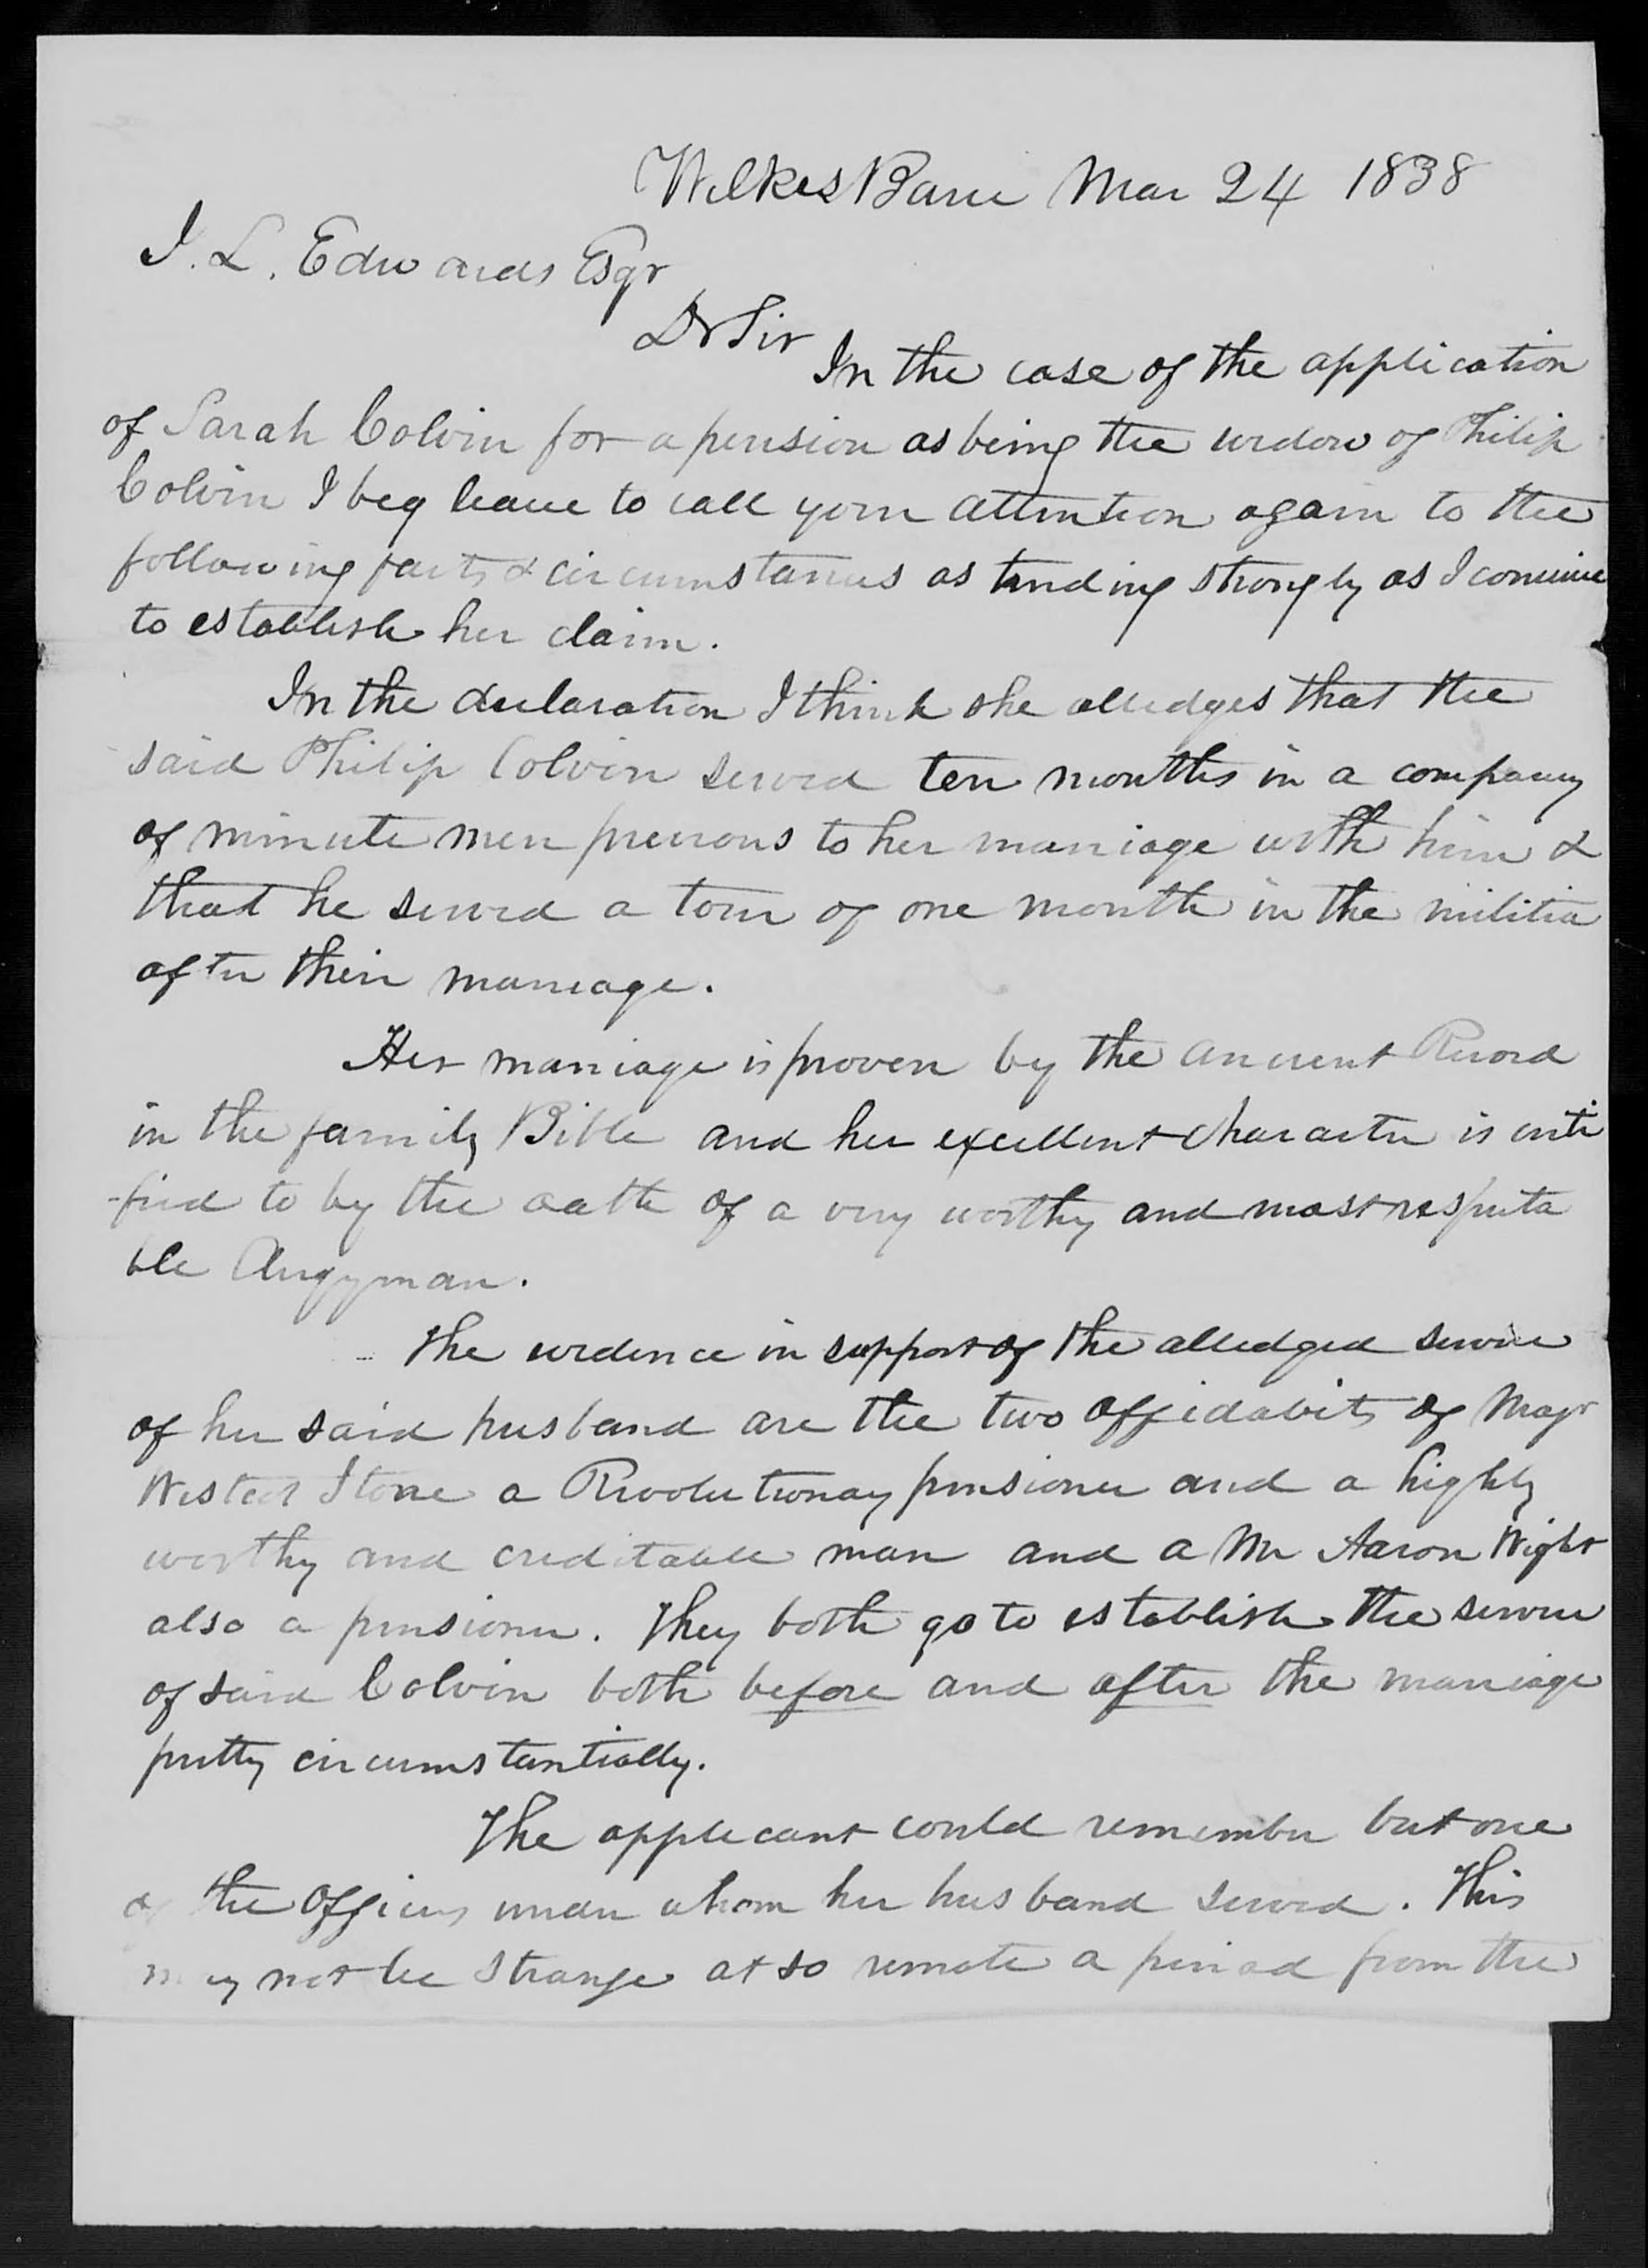Wilkes Barre Mar 24 1838
JL. Edwards Esqr
Dr Sir
In the case of the application of Sarah Colvin for a pension as being the widow of Philip Colvin I beg leave to call your attention again to the following parts & circumstances as tending strongly as I continue to establish her claim.
In the declaration I think she alledges that the said Philip Colvin served ten months in a company of minute men previous to her marriage with him & that he served a tour of one  month in the militia after their marriage.
Her marriage is proven by the ancient record in the family Bible and her excellent character is certified to by the oath of a very worthy and most respectable clergyman.
The evidence in support of the alledged service of her said husband are the two affidavits of Majr Westcot Stone a Revolutionary pensioner and a highly worthy and creditable man and a Mr. Aaron Wight also a pensioner. They both go to establish the service of said Colvin both before and after the marriage pretty circumstantially.
The applicant could remember but one of the officers under whom her husband served. This may not be strange at so remote a period from the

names: Philip Colvin, Colvin, Westcot Stone, Sarah Colvin, Aaron Wight, J L Edwards, Philip Colvin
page: 31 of 41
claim: widow's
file: W. 3513, Philip Colvin, R.I.